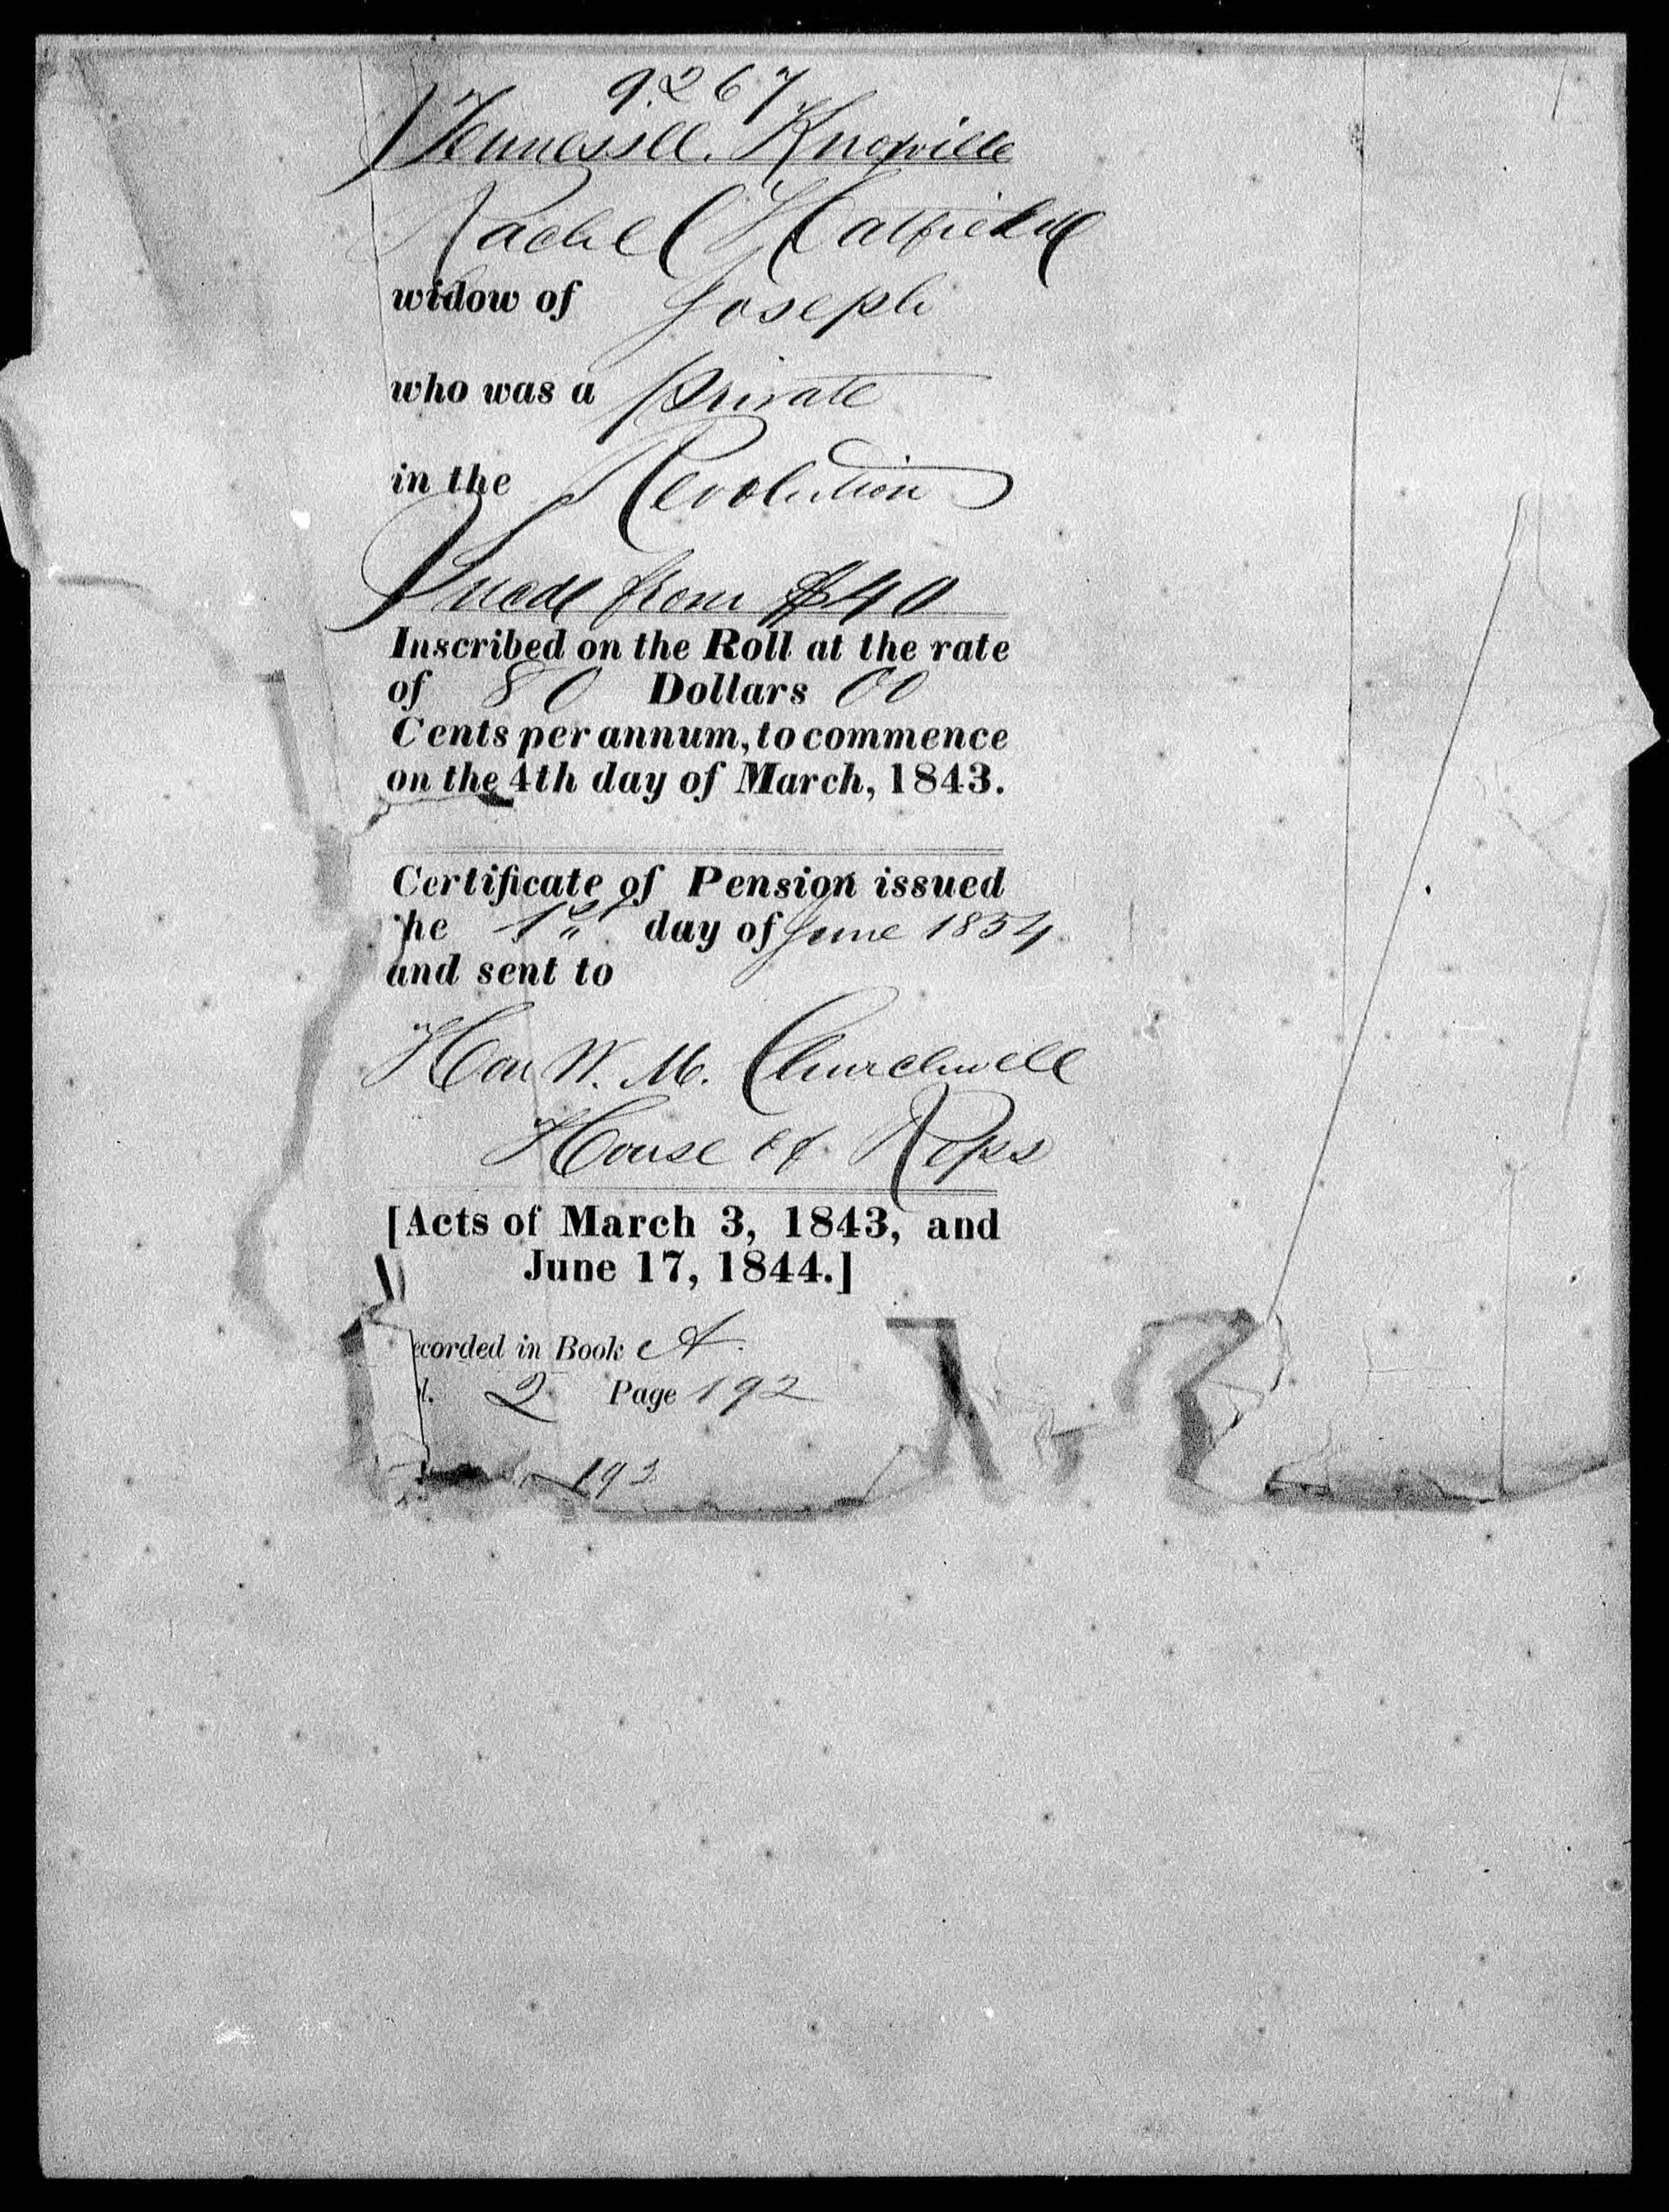9,267
Tennessee, Knoxville
Rachel Hatfield
widow of Joseph
who was a private
in the Revolution
Incd from $40
Inscribed on the Roll at the rate
of 80 Dollars 00
Cents per annum, to commence
on the 4th day of March, 1843.

Certificate of Pension issued
the 1st day of June 1854
and sent to
Hon W. M. Churchwell
House of Reps
[Acts of March 3, 1843, and
June 17, 1844.]
Recorded in Book A.
Vol. 2 Page 192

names: W M Churchwell, Rachel Hatfield, Joseph Hatfield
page: 46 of 74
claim: widow's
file: W. 5, Joseph Hatfield, Va.